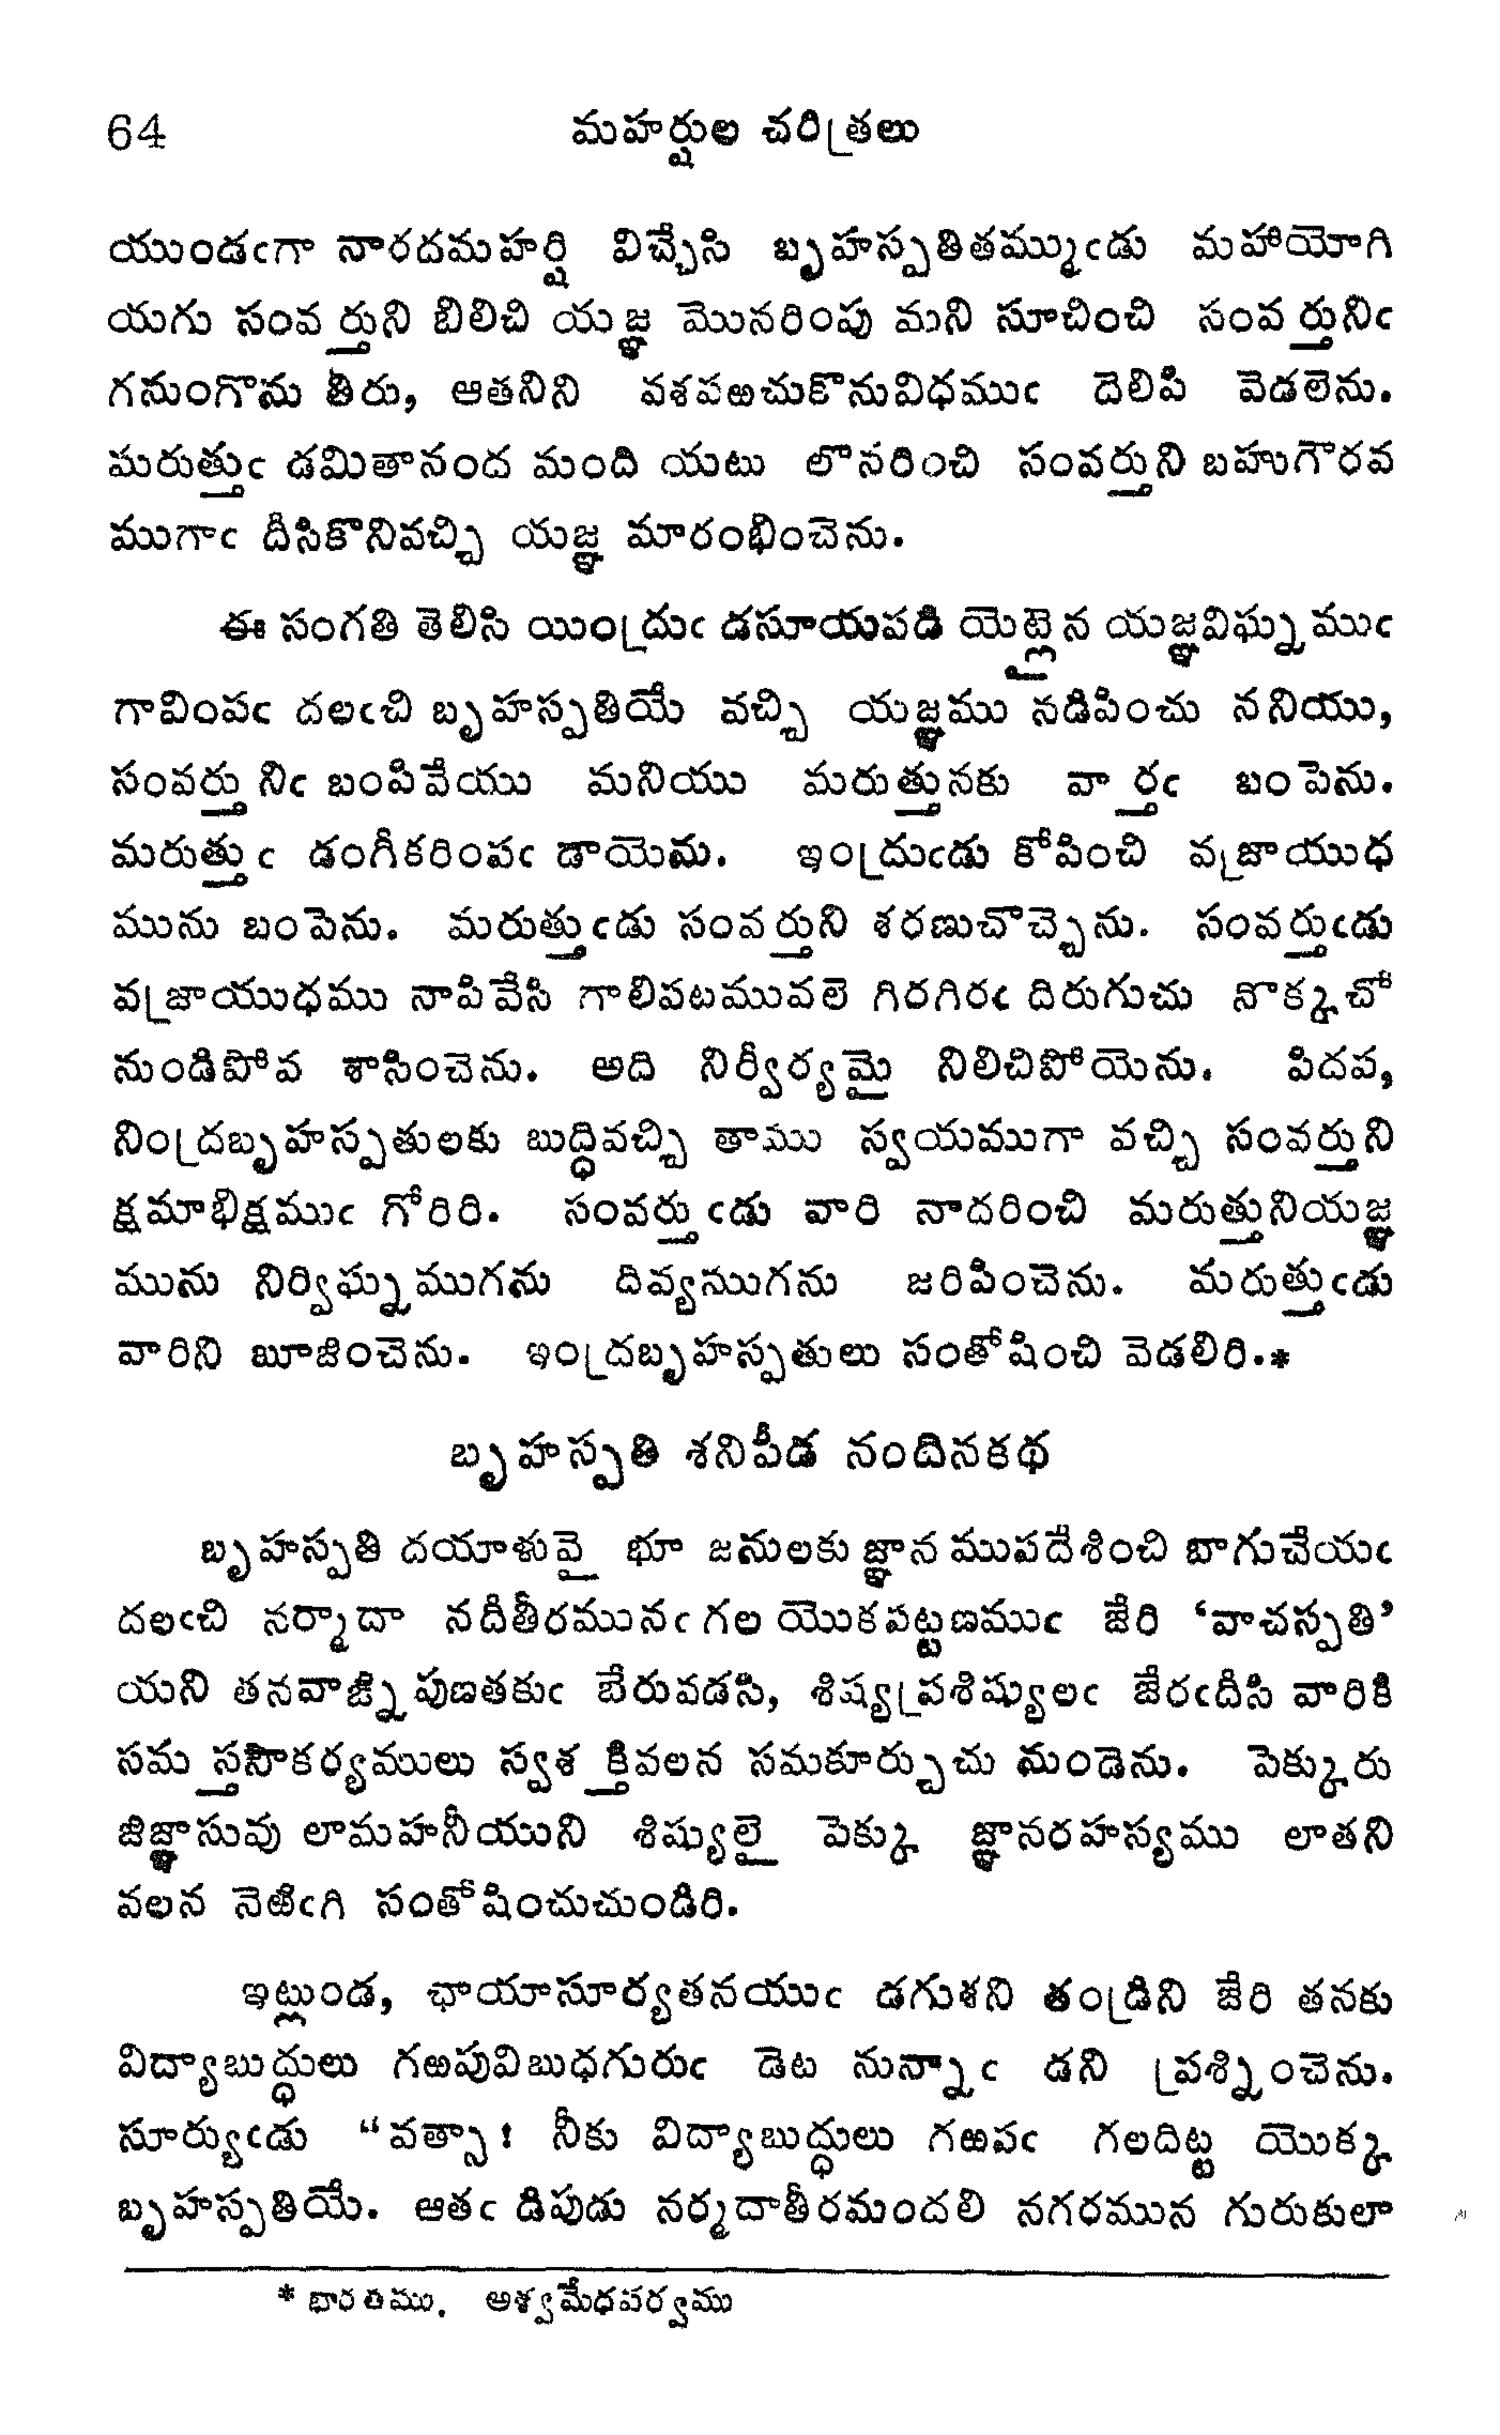యుండఁగా నారదమహర్షి విచ్చేసి బృహస్పతితమ్ముఁడు మహాయోగియగు సంవర్తుని బిలిచి యజ్ఞ మొనరింపు మని సూచించి సంవర్తునిఁ గనుంగొను తీరు, ఆతనిని వశపఱచుకొను విధముఁ దెలిపి వెడలెను. మరుత్తుఁ డమితానంద మంది యటు లొనరించి సంవర్తుని బహుగౌరవముగాఁ దీసికొనివచ్చి యజ్ఞ మారంభించెను.

ఈ సంగతి తెలిసి యింద్రుఁ డసూయపడి యెట్లైన యజ్ఞవిఘ్నముఁ గావింపఁ దలఁచి బృహస్పతియే వచ్చి యజ్ఞము నడిపించు ననియు, సంవర్తునిఁ బంపివేయు మనియు మరుత్తునకు వార్తఁ బంపెను. మరుత్తుఁ డంగీకరింపఁ డాయెను. ఇంద్రుఁడు కోపించి వజ్రాయుధమును బంపెను. మరుత్తుఁడు సంవర్తుని శరణుచొచ్చెను. సంవర్తుఁడు వజ్రాయుధము నాపివేసి గాలిపటమువలె గిరగిరఁ దిరుగుచు నొక్కచో నుండిపోవ శాసించెను. అది నిర్వీర్యమై నిలిచిపోయెను. పిదప, నింద్రబృహస్పతులకు బుద్ధివచ్చి తాము స్వయముగా వచ్చి సంవర్తుని క్షమాభిక్షముఁ గోరిరి. సంవర్తుఁడు వారి నాదరించి మరుత్తునియజ్ఞమును నిర్విఘ్నముగను దివ్యముగను జరిపించెను. మరుత్తుఁడు వారిని బూజించెను. ఇంద్రబృహస్పతులు సంతోషించి వెడలిరి. *

బృహస్పతి శనిపీడ నందినకథ 

బృహస్పతి దయాళువై భూ జనులకు జ్ఞాన ముపదేశించి బాగుచేయఁ దలఁచి నర్మాదా నదీతీరమునఁ గల యొకపట్టణముఁ జేరి 'వాచస్పతి' యని తనవాఙ్ని పుణతకుఁ బేరువడసి, శిష్యప్రశిష్యులఁ జేరఁదీసి వారికి సమస్తసౌకర్యములు స్వశక్తివలన సమకూర్చుచు నుండెను. పెక్కురు జిజ్ఞాసువు లామహనీయుని శిష్యులై పెక్కు జ్ఞానరహస్యము లాతని వలన నెఱిఁగి సంతోషించుచుండిరి.

ఇట్లుండ, ఛాయాసూర్యతనయుఁ డగుశని తండ్రిని జేరి తనకు విద్యాబుద్ధులు గఱపువిబుధగురుఁ డెట నున్నాఁ డని ప్రశ్నించెను. సూర్యుఁడు "వత్సా! నీకు విద్యాబుద్ధులు గఱపఁ గలదిట్ట యొక్క బృహస్పతియే. ఆతఁ డిపుడు నర్మదాతీరమందలి నగరమున గురుకులా